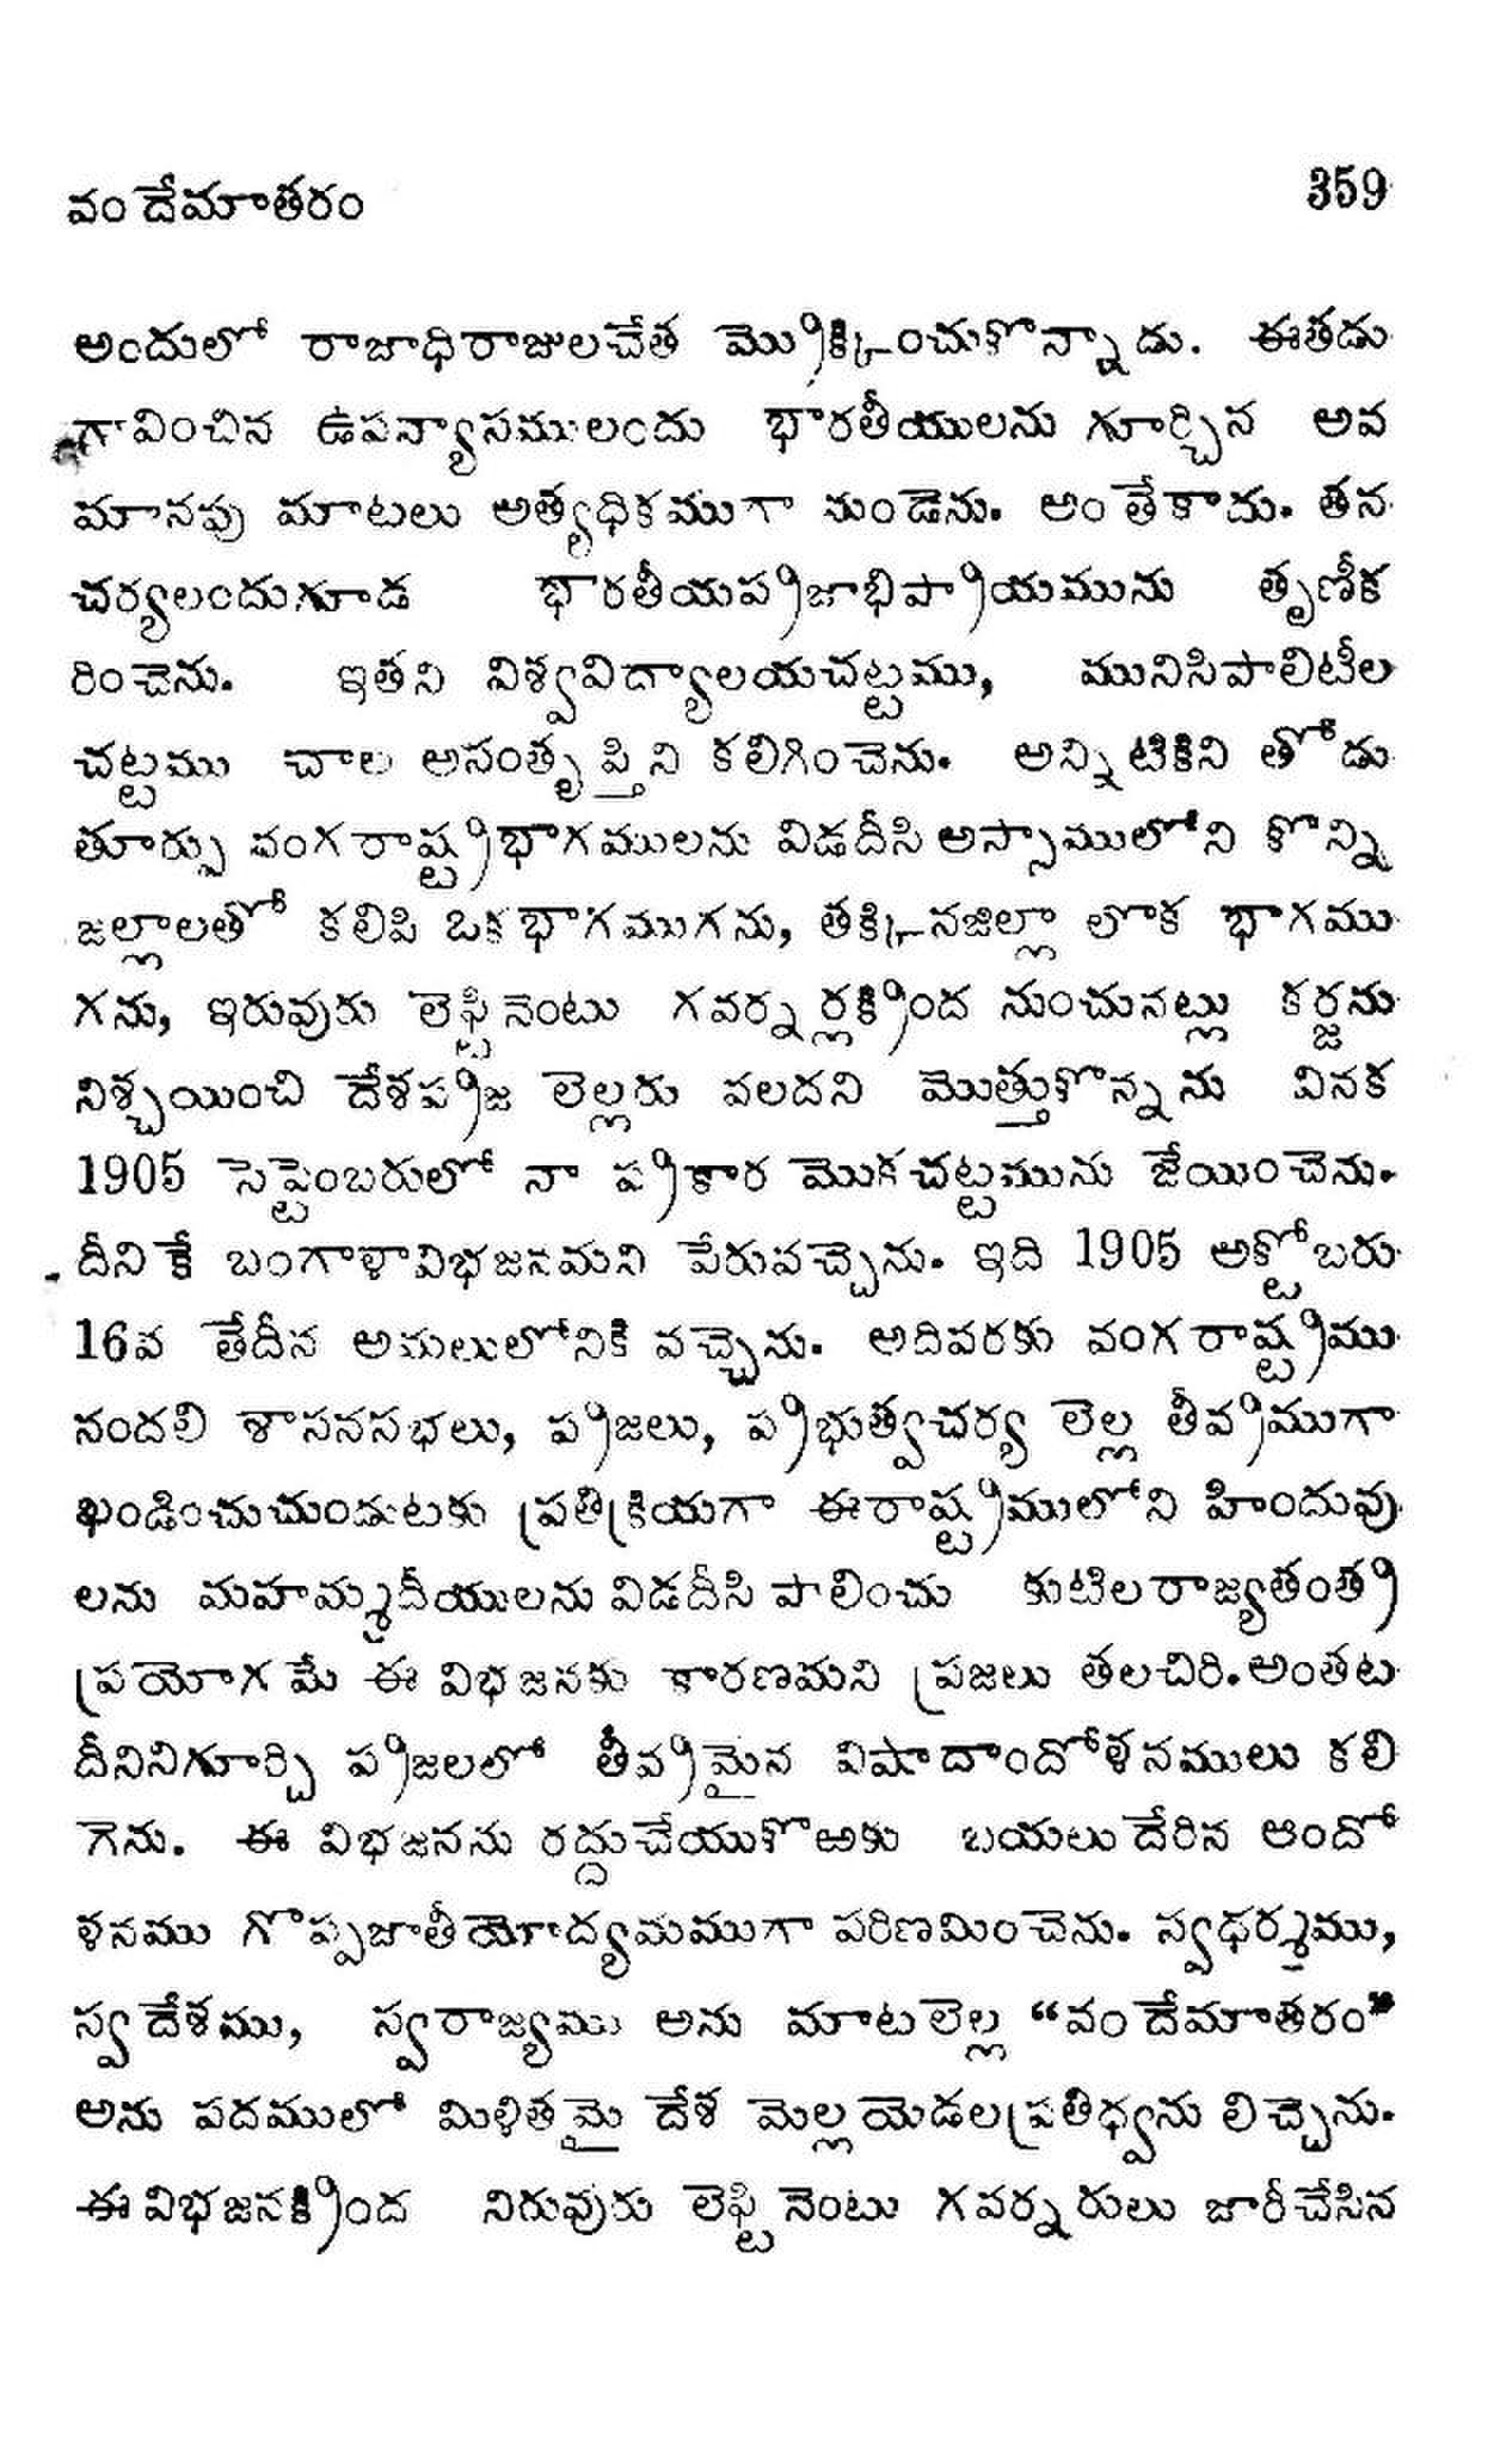అందులో రాజాధిరాజులచేత మ్రొక్కించుకొన్నాడు. ఈతడు గావించిన ఉపన్యాసములందు భారతీయులను గూర్చిన అవమానపు మాటలు అత్యధికముగా నుండెను. అంతేకాదు. తన చర్యలందుగూడ భారతీయప్రజాభిప్రాయమును తృణీకరించెను. ఇతని విశ్వవిద్యాలయచట్టము, మునిసిపాలిటీల చట్టము చాల అసంతృప్తిని కలిగించెను. అన్నిటికిని తోడు తూర్పు వంగరాష్ట్రభాగములను విడదీసి అస్సాములోని కొన్నిజిల్లాలతో కలిపి ఒకభాగముగను, తక్కినజిల్లా లొక భాగముగను, ఇరువురు లెఫ్టినెంటు గవర్నర్లక్రింద నుంచునట్లు కర్జను నిశ్చయించి దేశప్రజ లెల్లరు వలదని మొత్తుకొన్నను వినక 1905 సెప్టెంబరులో నా ప్రకార మొకచట్టమును జేయించెను. . దీని కే బంగాళావిభజనమని పేరువచ్చెను. ఇది 1905 అక్టోబరు 16వ తేదీన అమలులోనికి వచ్చెను. అదివరకు వంగరాష్ట్రము నందలి శాసనసభలు, ప్రజలు, ప్రభుత్వచర్య లెల్ల తీవ్రముగా ఖండించుచుండుటకు ప్రతిక్రియగా ఈ రాష్ట్రములోని హిందువులను మహమ్మదీయులను విడదీసి పాలించు కుటిలరాజ్యతంత్ర ప్రయోగమే ఈ విభజనకు కారణమని ప్రజలు తలచిరి. అంతట దీనినిగూర్చి ప్రజలలో తీవ్రమైన విషాదాందోళనములు కలిగెను. ఈ విభజనను రద్దుచేయుకొఱకు బయలుదేరిన ఆందోళనము గొప్ప జాతీయోద్యమముగా పరిణమించెను. స్వధర్మము, స్వదేశము, స్వరాజ్యము అను మాటలెల్ల “వందేమాతరం" అను పదములో మిళితమై దేశ మెల్లయెడలప్రతిధ్వను లిచ్చెను. ఈ విభజనక్రింద నిరువురు లెఫ్టినెంటు గవర్నరులు జారీచేసిన